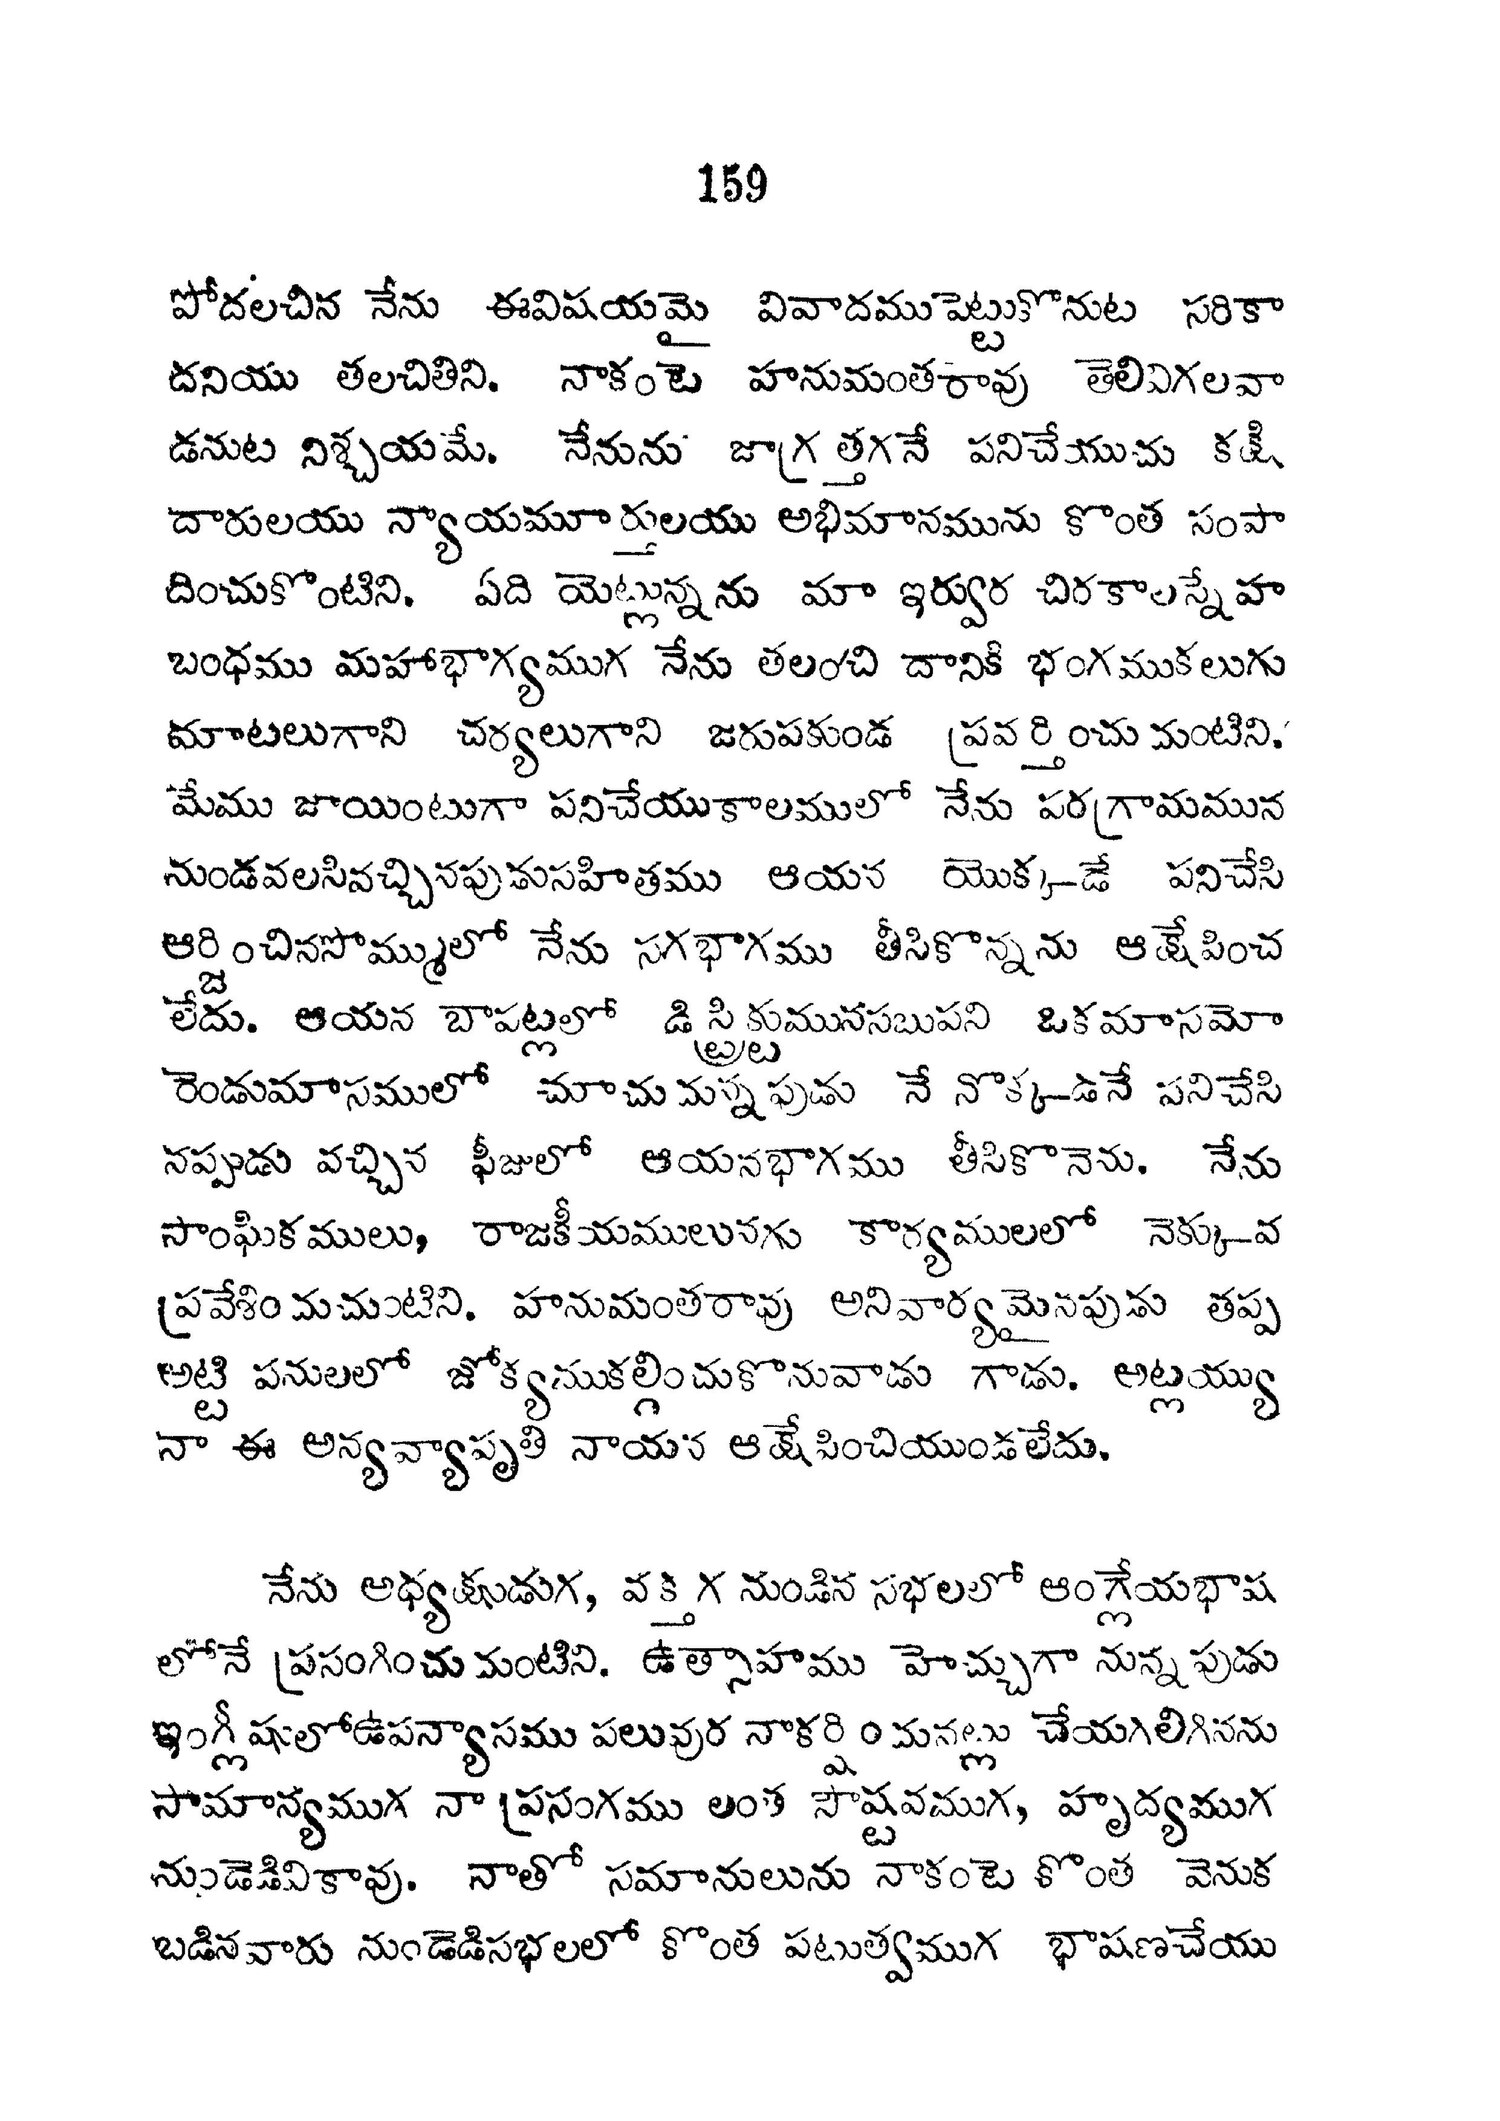పోదలచిన నేను ఈవిషయమై వివాదముపెట్టుకొనుట సరికాదనియు తలచితిని. నాకంటె హనుమంతరావు తెలివిగలవాడనుట నిశ్చయమే. నేనును జాగ్రత్తగనే పనిచేయుచు కక్షిదారులయు న్యాయమూర్తులయు అభిమానమును కొంత సంపాదించుకొంటిని. ఏది యెట్లున్నను మా ఇర్వుర చిరకాలస్నేహబంధము మహాభాగ్యముగ నేను తలంచి దానికి భంగముకలుగు మాటలుగాని చర్యలుగాని జరుపకుండ ప్రవర్తించుచుంటిని. మేము జాయింటుగా పనిచేయుకాలములో నేను పరగ్రామమున నుండవలసివచ్చినపుడుసహితము ఆయన యొక్కడే పనిచేసి ఆర్జించినసొమ్ములో నేను సగభాగము తీసికొన్నను ఆక్షేపించలేదు. ఆయన బాపట్లలో డిస్ట్రిక్టుమునసబుపని ఒకమాసమో రెండుమాసములో చూచుచున్నపుడు నే నొక్కడనే పనిచేసినప్పుడు వచ్చిన ఫీజులో ఆయనభాగము తీసికొనెను. నేను సాంఘికములు, రాజకీయములునగు కార్యములలో నెక్కువ ప్రవేశించుచుంటిని. హనుమంతరావు అనివార్యమైనపుడు తప్ప అట్టి పనులలో జోక్యముకల్గించుకొనువాడు గాడు. అట్లయ్యు నా ఈ అన్యవ్యాపృతి నాయన ఆక్షేపించియుండలేదు.

నేను అధ్యక్షుడుగ, వక్తగ నుండిన సభలలో ఆంగ్లేయభాషలోనే ప్రసగించుచుంటిని. ఉత్సాహము హెచ్చుగా నున్నపుడు ఇంగ్లీషులోఉపన్యాసము పలువుర నాకర్షించునట్లు చేయగలిగినను సామాన్యముగ నా ప్రసంగము లంత సౌష్టవముగ, హృద్యముగ నుండెడివికావు. నాతో సమానులును నాకంటె కొంత వెనుక బడినవారు నుండెడిసభలో కొంత పటుత్వముగ భాషణచేయు